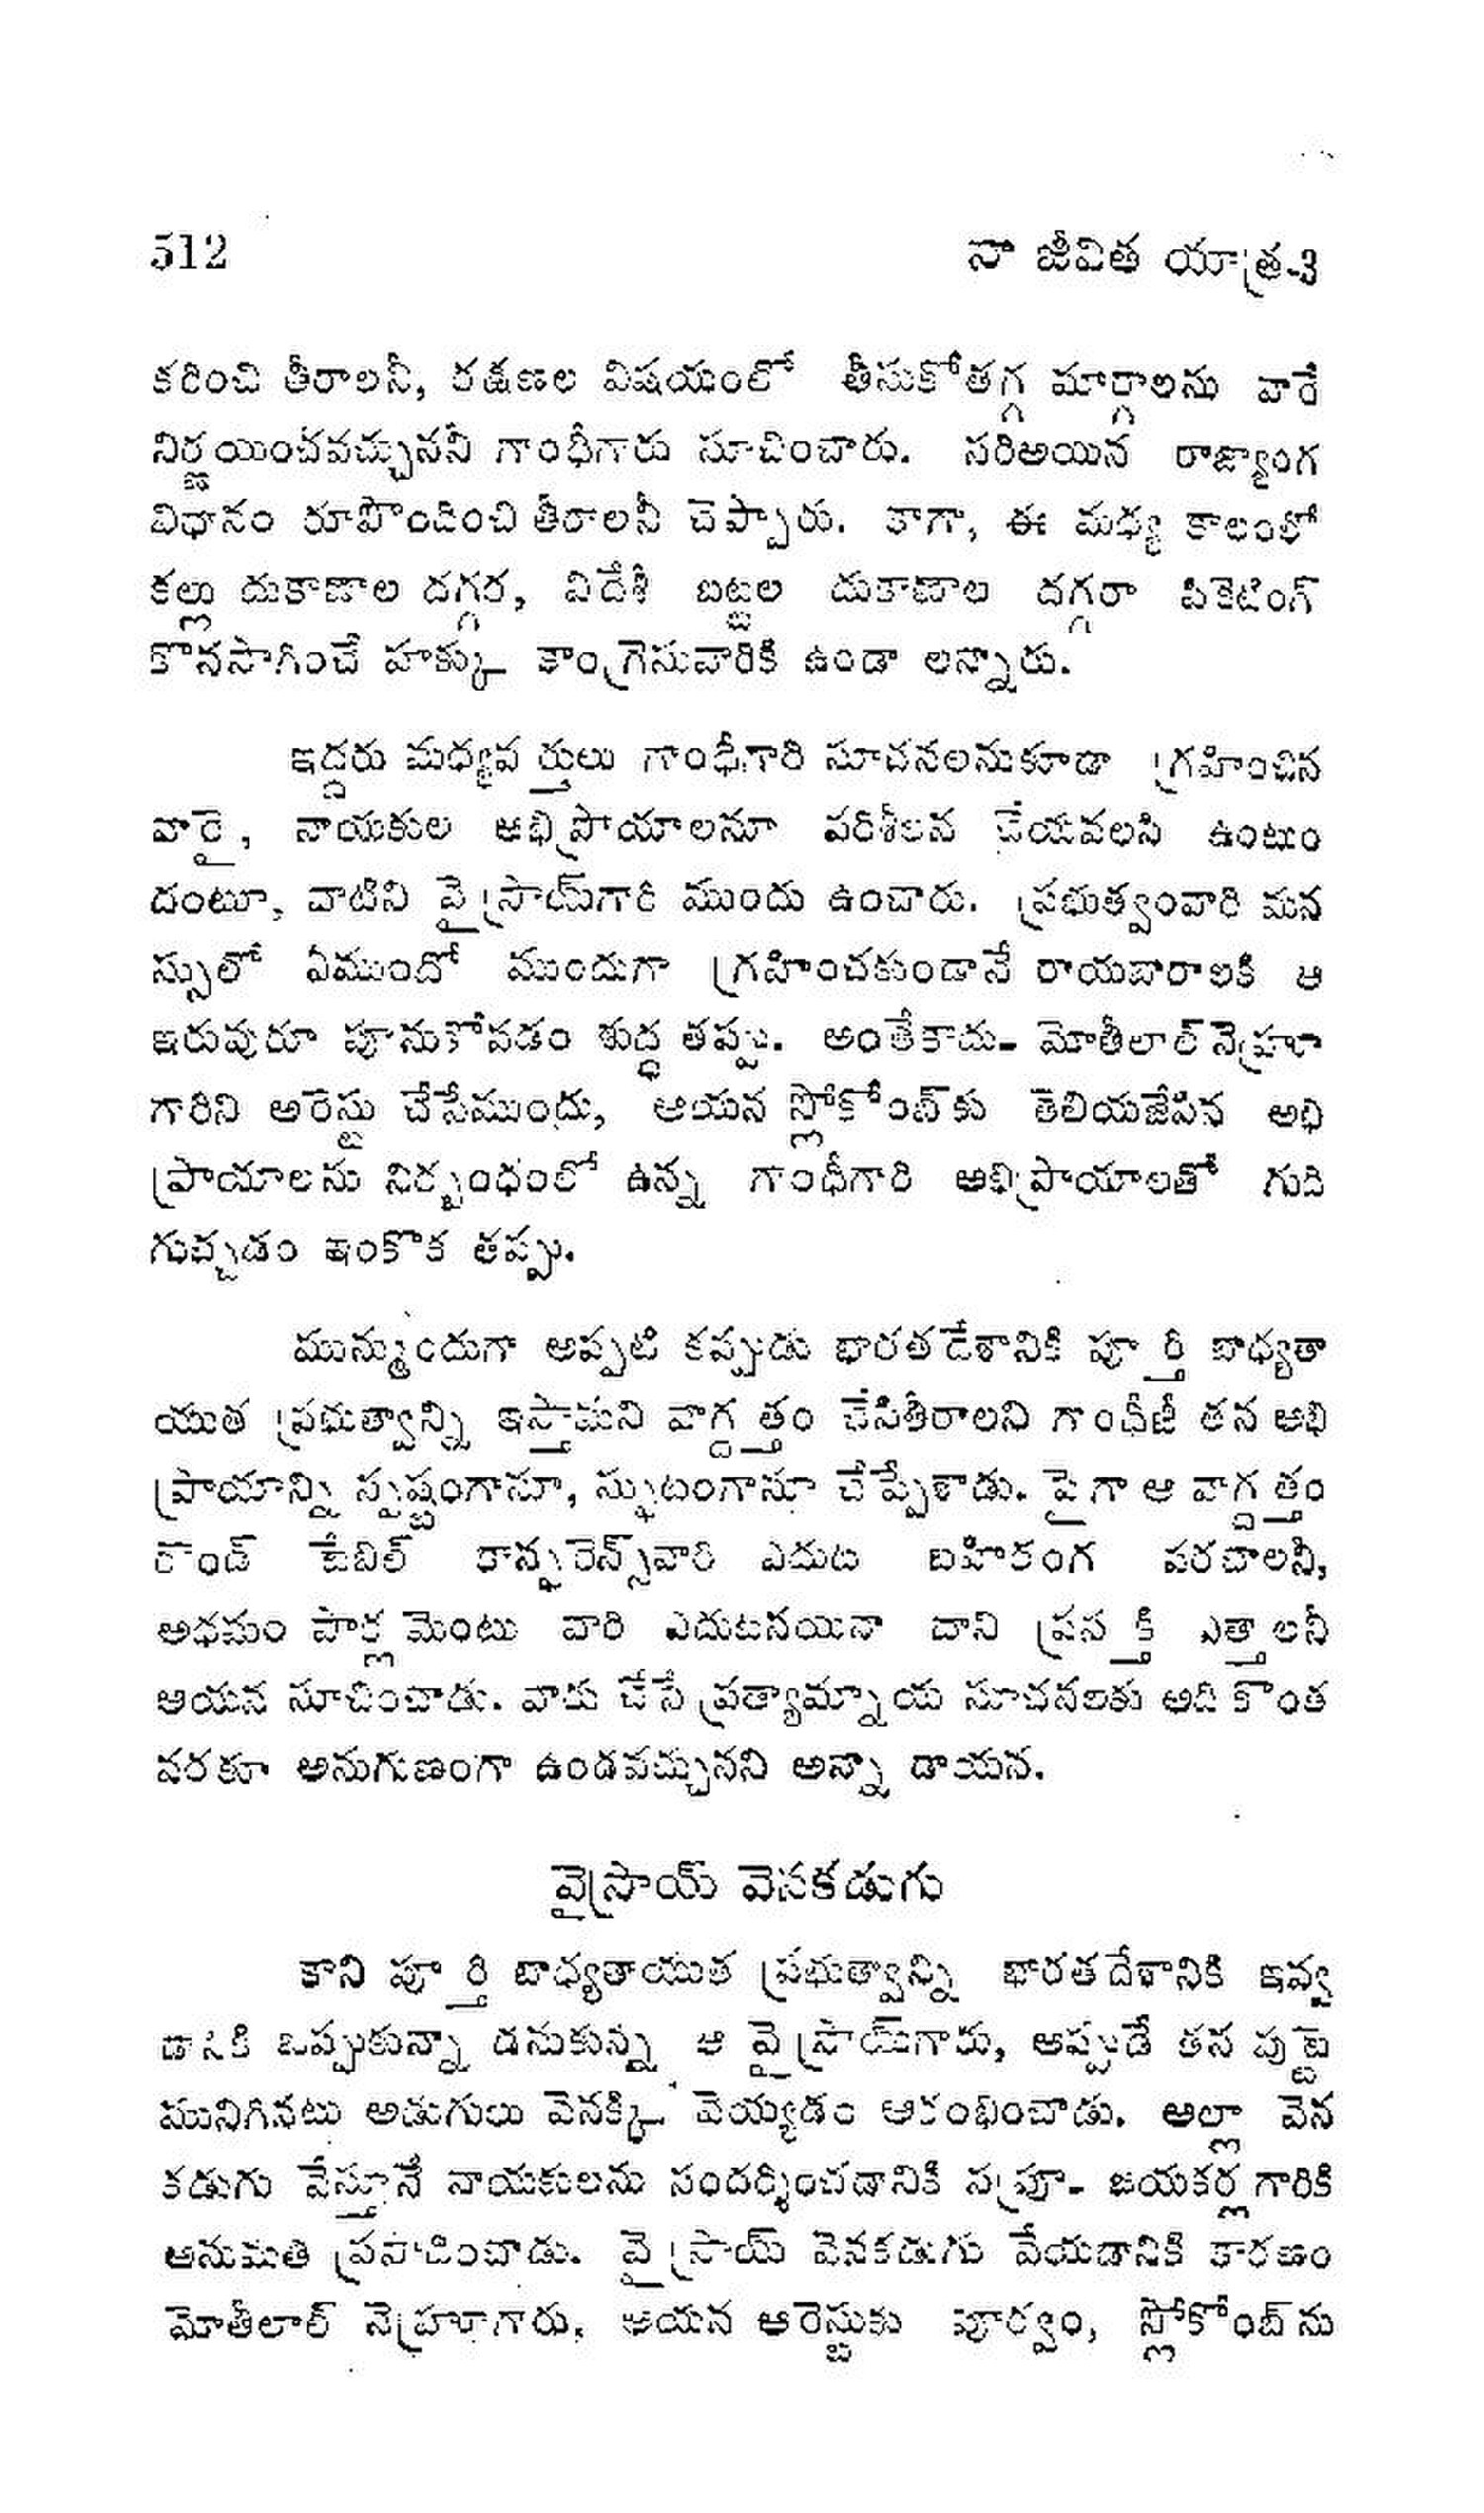కరించి తీరాలనీ, రక్షణల విషయంలో తీసుకోతగ్గ మార్గాలను వారే నిర్ణయించవచ్చుననీ గాంధీగారు సూచించారు. సరిఅయిన రాజ్యాంగ విధానం రూపొందించి తీరాలనీ చెప్పారు. కాగా, ఈ మధ్య కాలంలో కల్లు దుకాణాల దగ్గర, విదేశీ బట్టల దుకాణాల దగ్గరా పికెటింగ్ కొనసాగించే హక్కు కాంగ్రెసువారికి ఉండా లన్నారు.

ఇద్దరు మధ్యవర్తులు గాంధీగారి సూచనలనుకూడా గ్రహించినవారై, నాయకుల అభిప్రాయాలనూ పరిశీలన చేయవలసి ఉంటుందంటూ, వాటిని వైస్రాయ్‌గారి ముందు ఉంచారు. ప్రభుత్వంవారి మనస్సులో ఏముందో ముందుగా గ్రహించకుండానే రాయబారాలకి ఆ ఇరువురూ పూనుకోవడం శుద్ధ తప్పు. అంతేకాదు - మోతీలాల్‌నెహ్రూ గారిని అరెస్టు చేసేముందు, ఆయన స్లోకోంబ్‌కు తెలియజేసిన అభిప్రాయాలను నిర్భంధంలో ఉన్న గాంధీగారి అభిప్రాయాలతో గుదిగుచ్చడం ఇంకొక తప్పు.

మున్ముందుగా అప్పటి కప్పుడు భారతదేశానికి పూర్తి బాధ్యతాయుత ప్రభుత్వాన్ని ఇస్తామని వాగ్దత్తం చేసితీరాలని గాంధీజీ తన అభిప్రయాన్ని స్పష్టంగానూ, స్ఫుటంగానూ చేప్పేశాడు. పైగా ఆ వాగ్దత్తం రౌండ్ టేబిల్ కాన్ఫరెన్స్‌వారి ఎదుట బహిరంగ పరచాలనీ, అధమం పార్లమెంటు వారి ఎదుటనయినా దాని ప్రసక్తి ఎత్తాలనీ ఆయన సూచించాడు. వారు చేసే ప్రత్నామ్నాయ సూచనలకు అది కొంత వరకూ అనుగుణంగా ఉండవచ్చునని అన్నా డాయన.

కాని పూర్తి బాధ్యతాయుత ప్రభుత్వాన్ని భారతదేశానికి ఇవ్వడానికి ఒప్పుకున్నా డనుకున్న ఆ వైస్రాయ్‌గారు, అప్పుడే తన పుట్టె మునిగినటు అడుగులు వెనక్కి వెయ్యడం ఆరంభించాడు. అల్లా వెనకడుగు వేస్తూనే నాయకులను సందర్శించడానికి సప్రూ - జయకర్ల గారికి అనుమతి ప్రసాదించాడు. వైస్రాయ్ వెనకడుగు వేయడానికి కారణం మోతీలాల్ నెహ్రూగారు. ఆయన అరెస్టుకు పూర్వం, స్లోకోంబ్‌ను